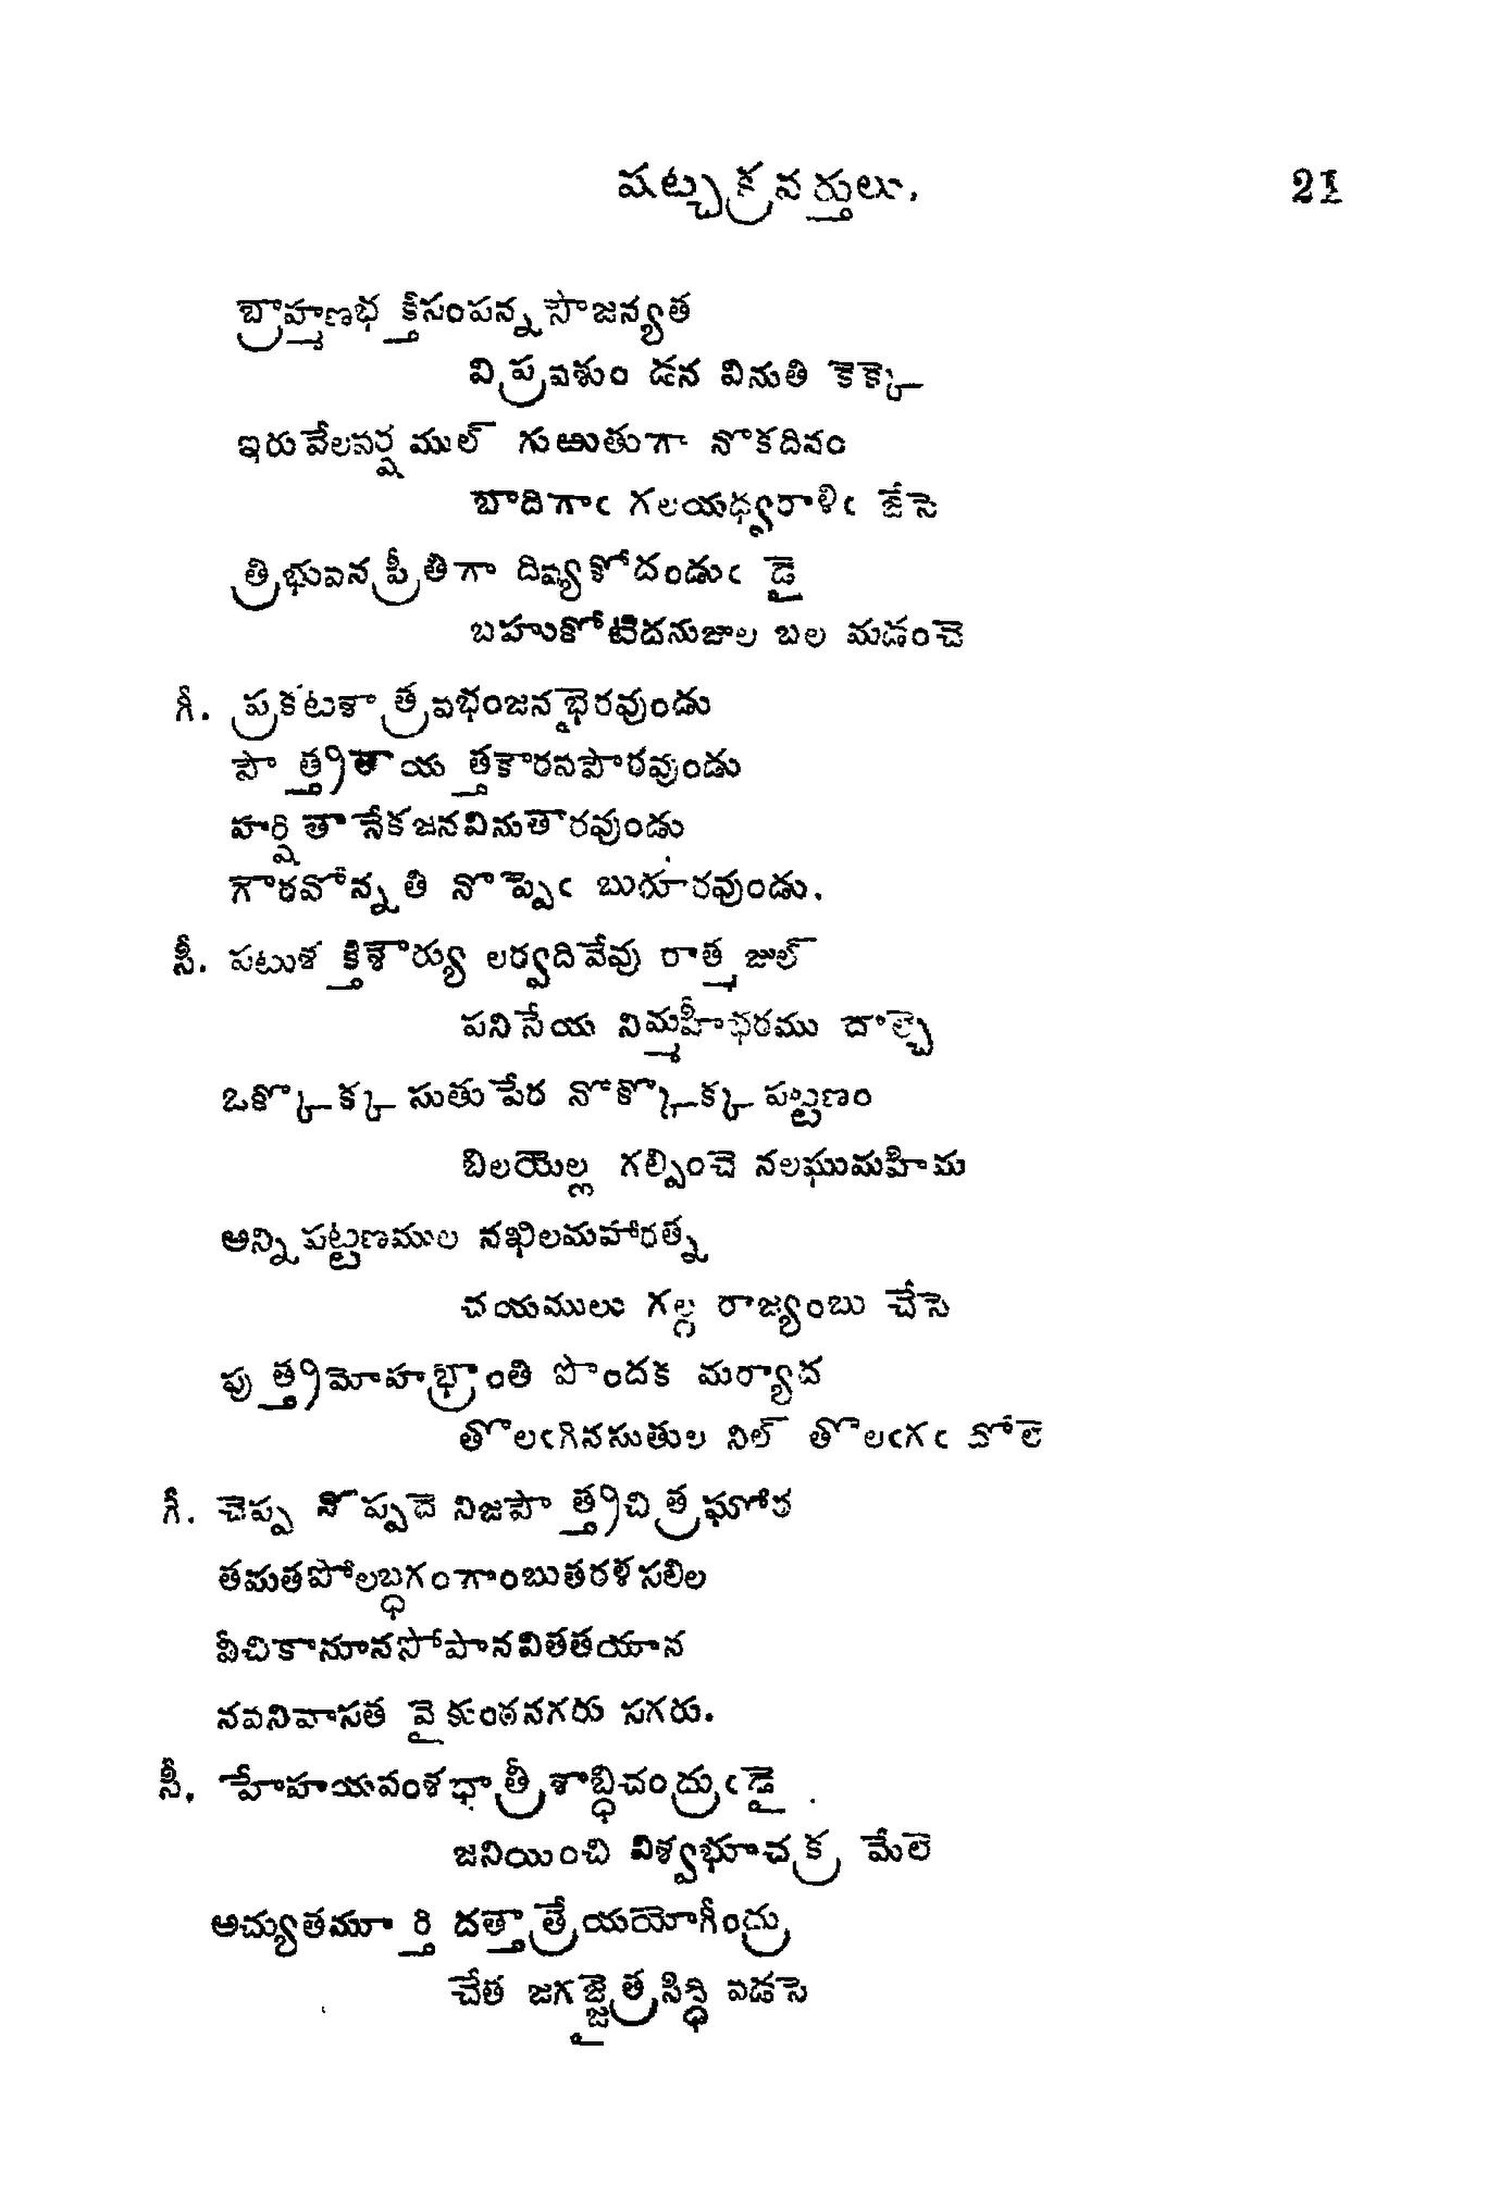బ్రాహ్మణభక్తిసంపన్నసౌజన్యత
 విప్రవశు డన వినుతి కెక్కె
 ఇరువేలవర్షముల్ గుఱుతుగా నొకదినం
 బాదిగాఁ గలయధ్వరాళిఁ జేసె
 త్రిభువనప్రీతిగా దివ్యకోదండుఁడై
 బహుకోటిదనుజుల బల మడంచె
గీ. ప్రకటశాత్రవభంజనభైరవుండు
 పౌత్త్రతాయత్తకౌరవపౌరవుండు
 హర్షితానేకజనవినుతారవుండు
 గౌరవోన్నతి నొప్పెఁ బురూరవుండు.
సీ. పటుశక్తిశౌర్యు లర్వదివేవు రాత్మజుల్
 పనిసేయ నిమ్మహీభరము దాల్చె
 ఒక్కొక్కసుతుపేర నొక్కొక్కపట్టణం
 బిలయెల్లఁ గల్పించె నలఘుమహిమ
 అన్నిపట్టణముల నఖిలమహారత్న
 చయములు గల్గ రాజ్యంబు చేసె
 పుత్త్రమోహభ్రాంతి పొందక మర్యాద
 తొలఁగినసుతుల నిల్ తొలఁగఁ దోలె
గీ. చెప్ప నొప్పదె నిజపౌత్త్రచిత్రఘోర
 తమతపోలబ్ధగంగాంబుతరళసలిల
 వీచికానూనసోపానవితతయాన
 మననివాసత వైకుంఠనగరు సగరు.
సీ. హేహయవంశధాత్రీశాబ్ధిచంద్రుఁడై
 జనియించి విశ్వభూచక్ర మేలె
 అచ్యుతమూర్తి దత్తాత్రేయయోగీంద్రు
 చేత జగజ్జైత్రసిద్ధి వడసె